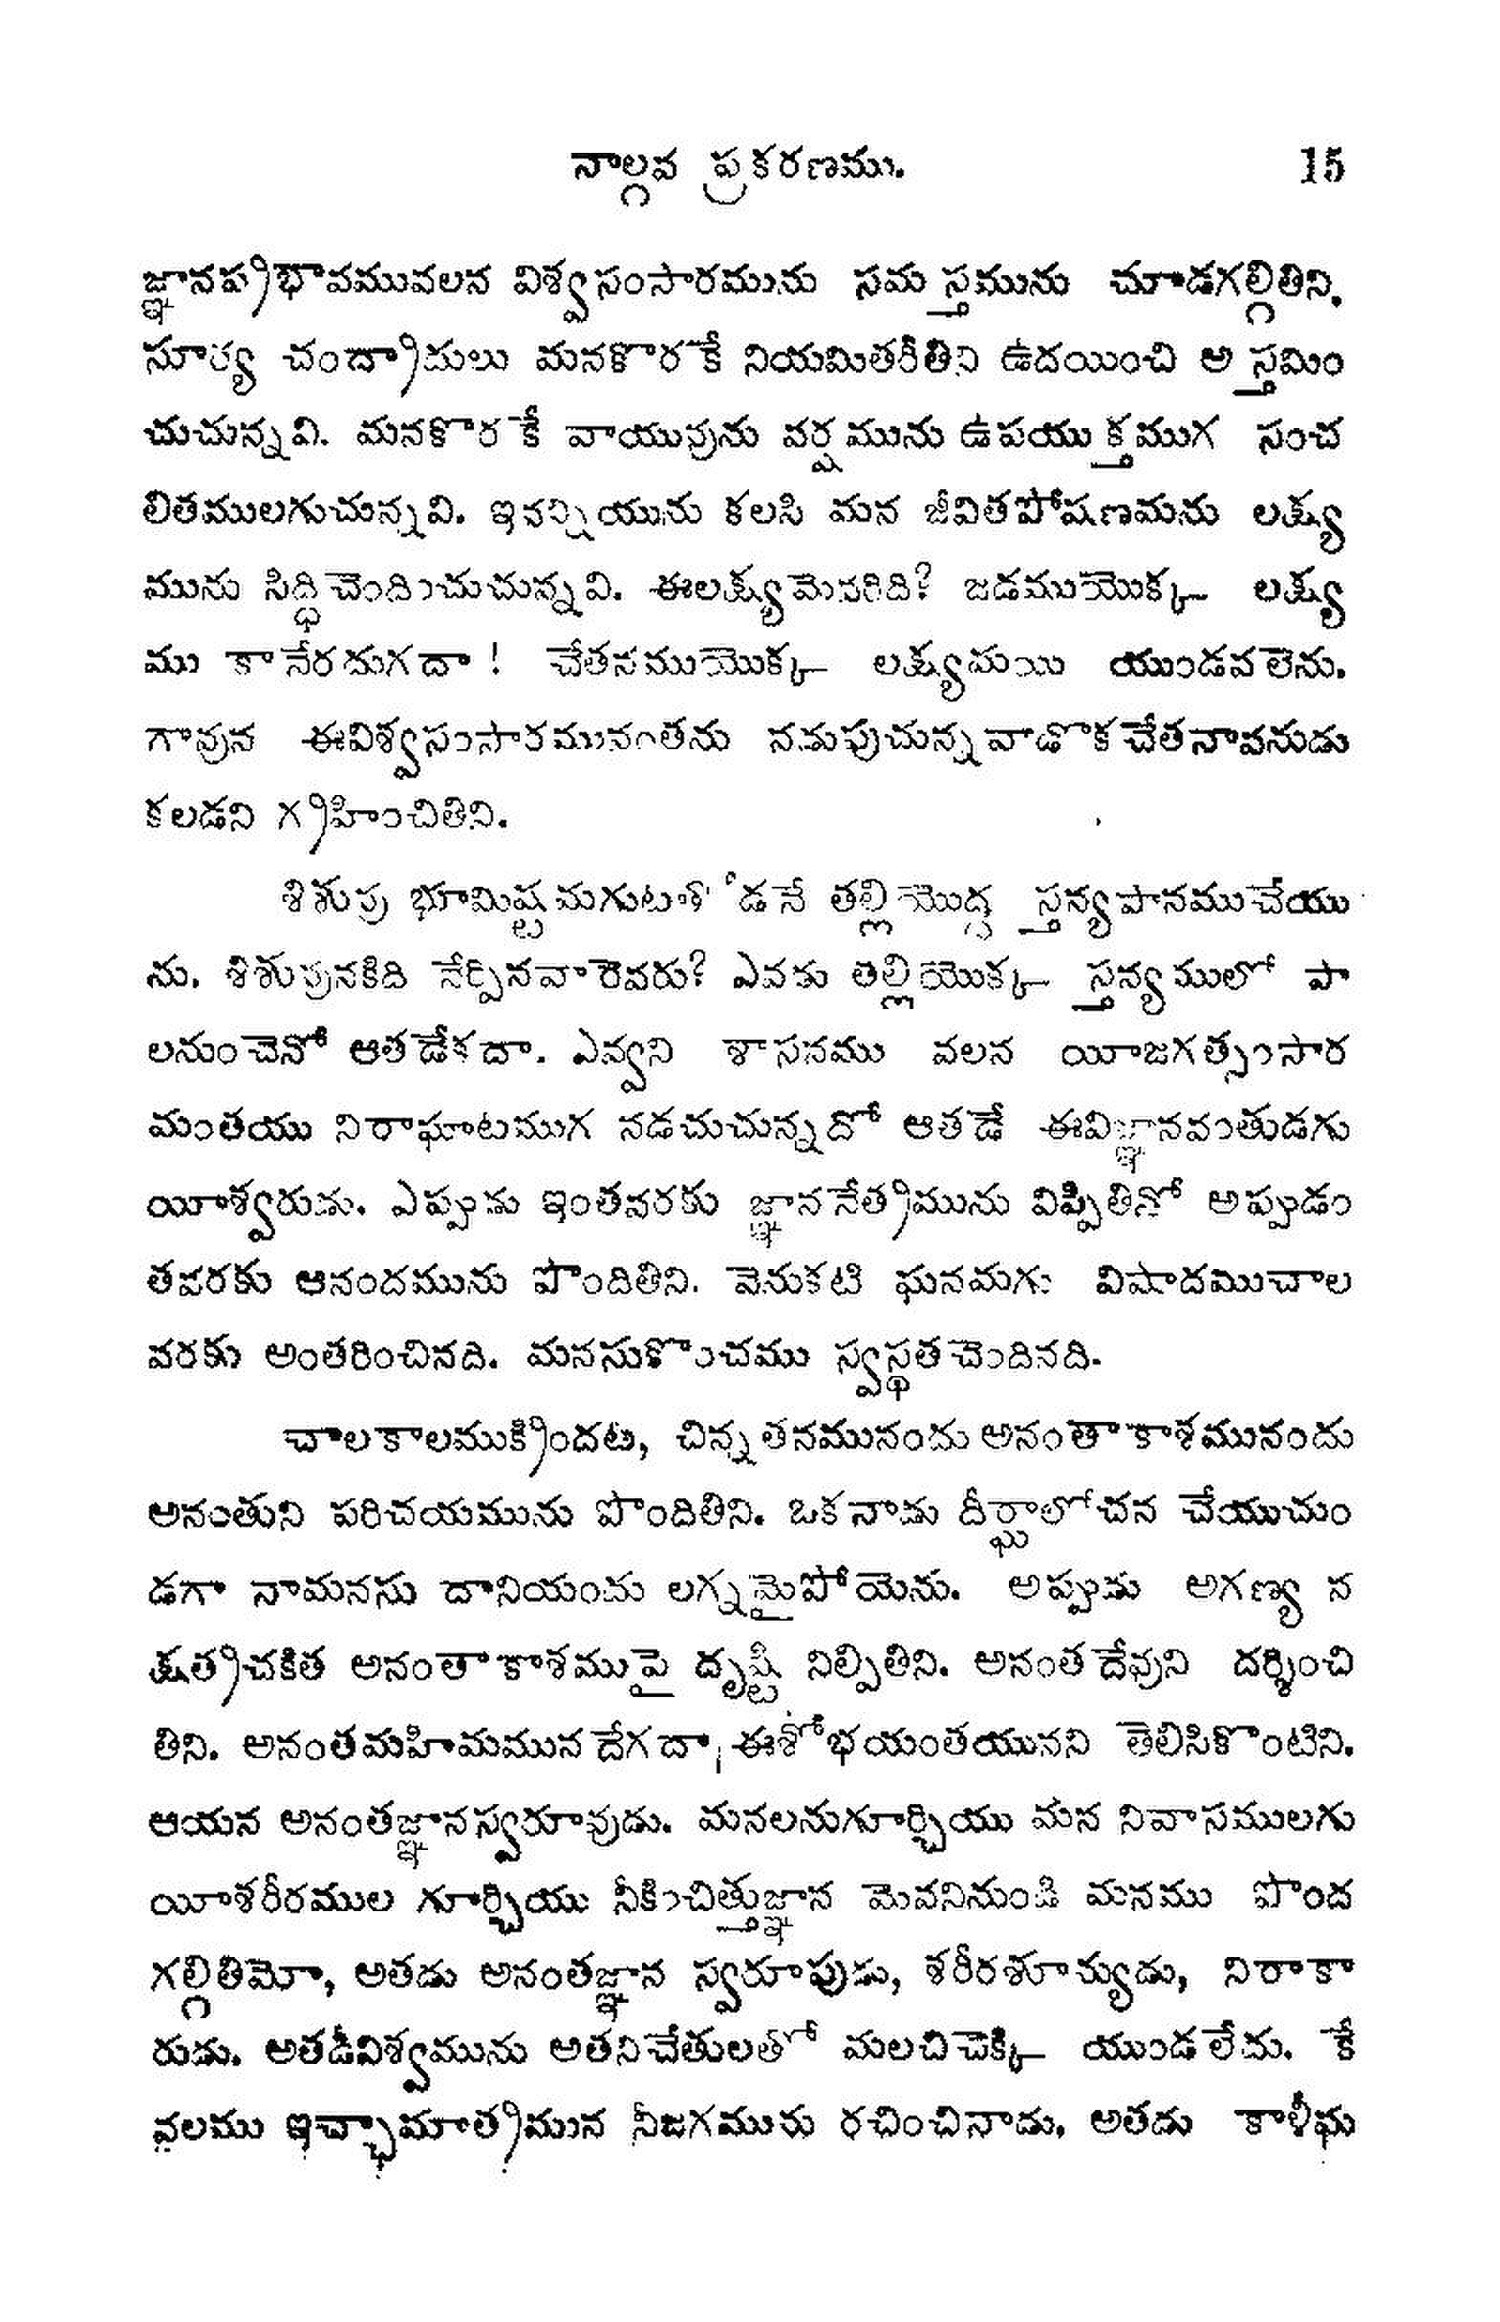జ్ఞానప్రభావము వలన విశ్వసంసారమును సమస్తమును చూడగల్గితిని,
సూర్య చంద్రాదులు మనకొరకే నియమితరీతిని ఉదయించి ఆస్తమిం చుచున్నవి. మనకొరకే వాయువును వర్షమును ఉపయుక్తముగ సంచలితములగుచున్నవి. ఇవన్నీయును కలసి మన జీవిత పోషణమను లక్ష్యమును సిద్దిచెందిచుచున్నవి. ఈలక్ష్యమెవరిది? జడము యొక్క లక్ష్యము కానేరదుగదా ! చేతనము యొక్క లక్ష్యమయి యుండవలెను. గౌవున ఈవిశ్వసుసారమునంతను నడుపుచున్నవాడొక చేతనావనుడు కలడని గ్రహించితిని.

శిశుపు భూమిష్టమగుటతోడనే తల్లి మీద స్తన్యపానము చేయును, శిశుపునకిది నేర్పినవారెవరు? ఎవ్వని తల్లి యొక్క స్తన్యములో పాలనుంచెనో ఆతడేకదా. ఎవ్వని శాసనము వలన యీజగత్సంసార మంతయు నిరాఘాటముగ నడచుచున్నదో అతడే విజ్ఞానవంతుడగు యీశ్వరుడు. ఎప్పుడు ఇంతవరకు జ్ఞానమునేత్రమును విప్పితినో అప్పుడంతపరకు ఆనందమును పొందితిని. వెనుకటి ఘనమగు విషాదముచాల వరకు అంతరించినది. మనసుకొంచము స్వస్థత చెందినది.చాలకాలము క్రిందట, చిన్న తనమునందు అనంతాకాశమునందు అనంతుని పరిచయమును పొందితిని. ఒక నాడు దీర్ఘాలోచన చేయుచుండగా నామనసు దానియందు లగ్నమైపోయెను. అప్పుడు అగణ్య నక్షత్రచకిత అనంతాకొశముపై దృష్టి నిల్పితిని. అనంత దేవుని దర్శించితిని. అనంత మహిమమునదేగదా, ఈశోభయంతయునని తెలిసికొంటిని. ఆయన అనంతజ్ఞాన స్వరూవుడు. మనలనుగూర్చియు మన నివాసములగు యీశరీరముల గూర్చియు నీకి చిత్తుజ్ఞాన మెవనినుండి మనము పొంద గల్గితిమో, అతడు అనంతజ్ఞాన స్వరూపుడు, శరీరశూర్యుడు, నిరాకారుడు. అతడివిశ్వమును అతని చేతులతో మలచి చెక్కి యుండ లేదు. కేవలము ఇచ్ఛామాత్రమున నీజగమును రచించినాడు. అతడు కాళీమ